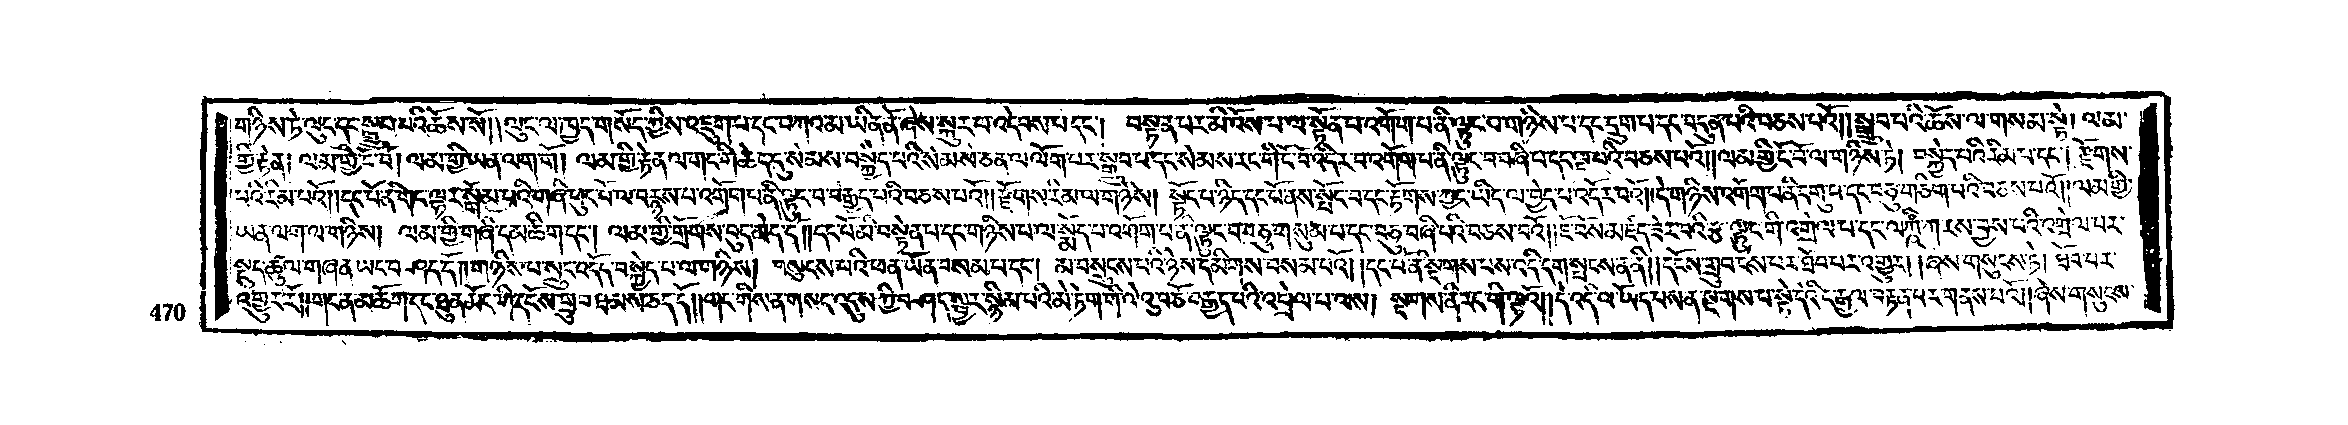གཉིས་ཏེ་ལུང་དང་སྒྲུབ་པའི་ཆོས་སོ། །ལུང་ལ་ཁྱད་གསོད་ཀྱིས་འཇུག་པ་དང་བཀའ་མ་ཡིན་ནོ་ཞེས་སྐུར་པ་འདེབས་པ་དང་། བསྟན་པར་མི་འོས་པ་ལ་སྟོན་པ་འགོག་པ་ནི་ལྟུང་བ་གཉིས་པ་དང་དྲུག་པ་དང་བདུན་པའི་བཅས་པའོ། །སྒྲུབ་པའི་ཆོས་ལ་གསུམ་སྟེ། ལམ་
གྱི་རྟེན། ལམ་གྱི་ངོ་བོ། ལམ་གྱི་ཡན་ལག་གོ། ལམ་གྱི་རྟེན་ལ་གང་གི་ཆེད་དུ་སེམས་བསྐྱིད་པའི་སེམས་ཅན་ལ་ལོག་པར་སྒྲུབ་པ་དང་སེམས་རང་གི་ངོ་བོ་འདིར་བ་འགོག་པ་ནི་ལྟུང་བ་བཞི་པ་དང་ལྔ་པའི་བཅས་པའོ། །ལམ་གྱི་ངོ་བོ་ལ་གཉིས་ཏེ། བསྐྱེད་པའི་རིམ་པ་དང་། རྫོགས་
པའི་རིམ་པའོ། །དང་པོ་ནི་གང་ལྷར་སྒོམ་པའི་གཞི་ཕུང་པོ་ལ་བརྙས་པ་འགོག་པ་ནི་ལྟུང་བ་བརྒྱད་པའི་བཅས་པའོ། །རྫོགས་རིམ་ལ་གཉིས། སྟོང་པ་ཉིད་དང་པོ་ནས་སྤོང་བ་དང་རྟོགས་ཀྱང་ཡིད་ལ་བྱེད་པ་འདོར་བའོ། །དེ་གཉིས་འགོག་པ་ནི་དགུ་པ་དང་བཅུ་གཅིག་པའི་བཅས་པའོ། །ལམ་གྱི་
ཡན་ལག་ལ་གཉིས། ལམ་གྱི་གཞི་དམ་ཚིག་དང་། ལམ་གྱི་གྲོགས་བུད་མེད་དོ། །དང་པོ་མི་བསྟེན་པ་དང་གཉིས་པ་ལ་སྨོད་པ་འགོག་པ་ནི་ལྟུང་བ་བཅུ་གསུམ་པ་དང་བཅུ་བཞི་པའི་བཅས་པའོ། །ཇོ་བོས་མཛད་ཟེར་བའི་རྩ་ལྟུང་གི་འགྲེལ་པ་དང་ལཀྵིཾ་ཀ་རས་བྱས་པའི་འགྲེལ་པར་
སྡུད་ཚུལ་གཞན་ཡང་བཤད་དོ། །གཉིས་པ་སྲུང་འདོད་བསྐྱེད་པ་ལ་གཉིས། གསུངས་པའི་ཕན་ཡོན་བསམ་པ་དང་། མ་བསྲུངས་པའི་ཉེས་དམིགས་བསམ་པའོ། །དང་པོ་ནི་སྔགས་པས་འདི་དག་སྤངས་ན་ནི། །དངོས་གྲུབ་ངེས་པར་ཐོབ་པར་འགྱུར། །ཞེས་གསུངས་ཏེ། ཐོབ་པར་
འགྱུར་རོ། །གང་ན་མཆོག་དང་ཐུན་མོང་གི་དངོས་གྲུབ་ཐམས་ཅད་དོ། །གང་གིས་ན་གསང་འདུས་ཀྱི་བཤད་སྦྱར་སྙིམ་པའི་མེ་ཏོག་གི་ལེའུ་བཅོ་བརྒྱད་པའི་འབྲེལ་པ་ལས། སྔགས་ནི་རང་གི་ལྟའོ། །དེ་འདི་ལ་ཡོད་པས་ན་སྔགས་པ་སྟེ་དེའི་ང་རྒྱལ་བརྟན་པར་གནས་པའོ། །ཞེས་གསུངས་